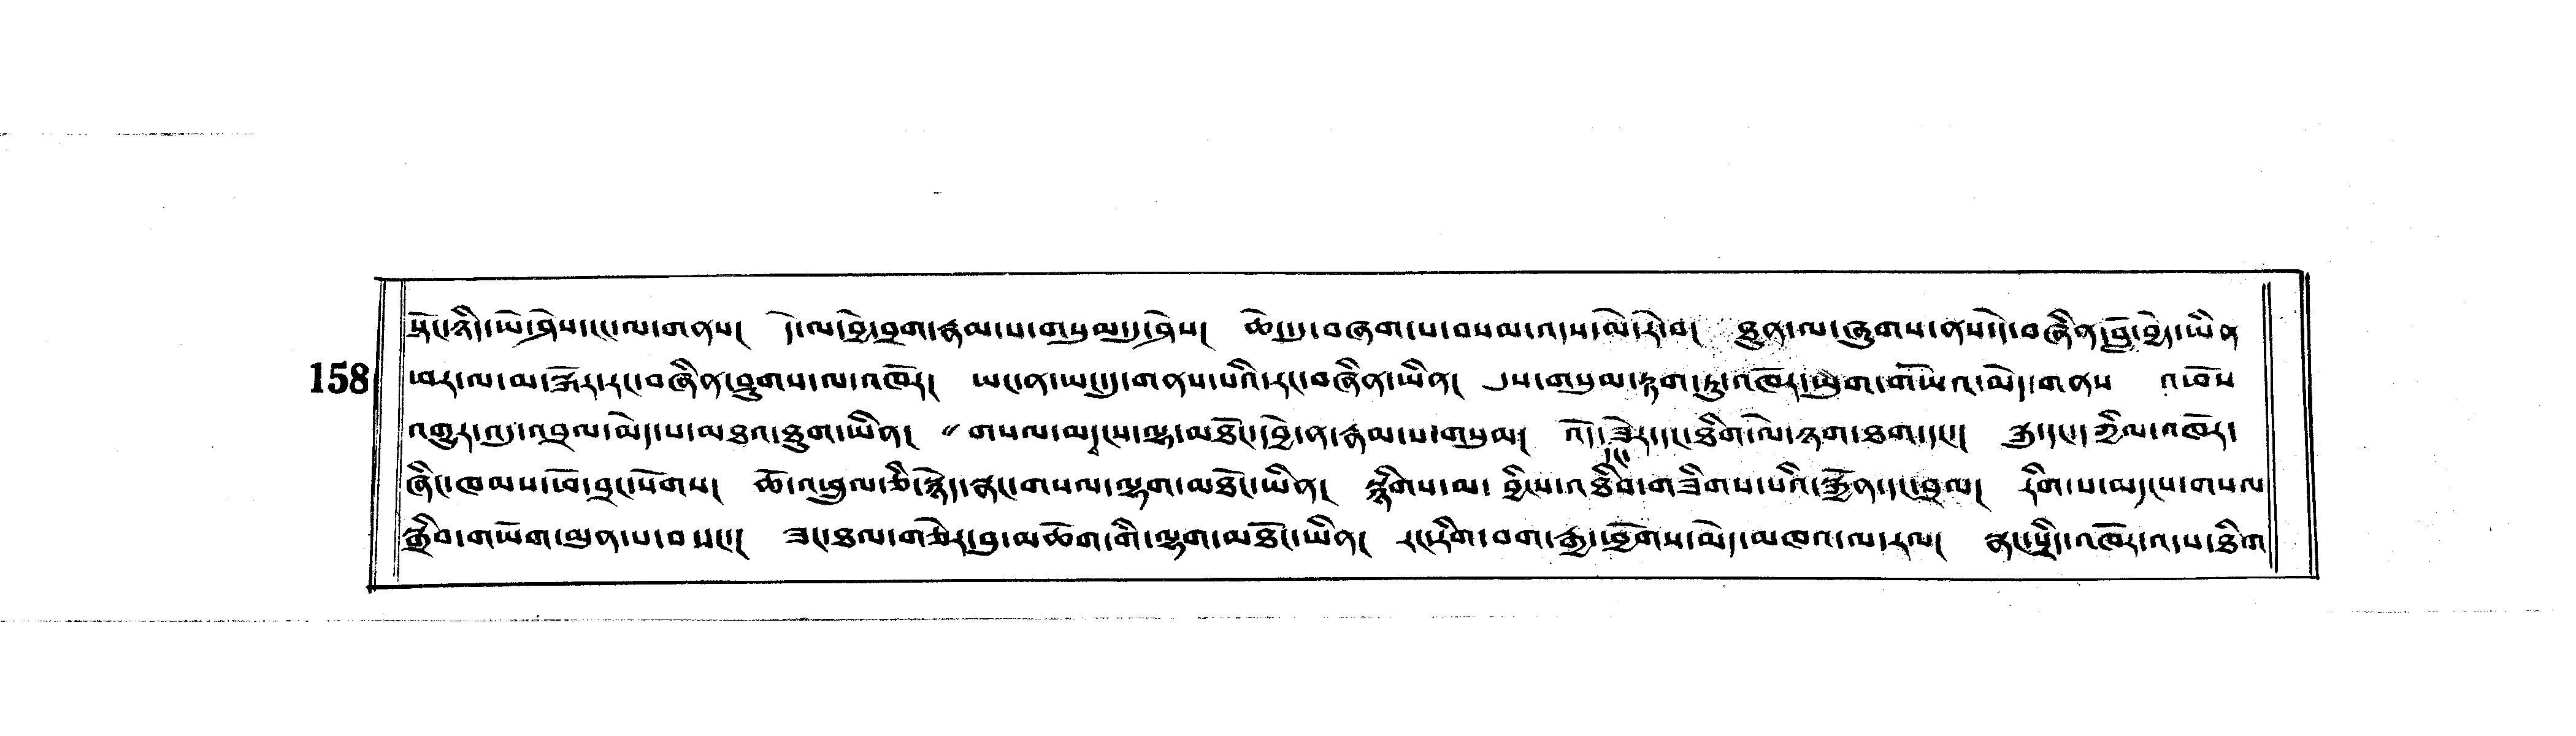སྟོང་ཉིད་ཡེ་ཤེས་ངང་ལ་གནས། དེ་ལ་བྱེ་བྲག་རྣམ་པ་གསུམ་དུ་ཤེས། ཆེད་དུ་བཞག་པ་བསམ་འདས་མེ་རེ་བ། ཐུན་ལ་ཞུགས་ནས་དེ་བཞིན་བློ་བྱེད་ཡིན། 
ཕར་ལ་མ་བསྐོར་རང་བཞིན་ཤུགས་ལ་འཁོར། ཡང་ན་ཡང་དུ་གནས་པའི་རང་བཞིན་ཡིན། དུས་གསུམ་རྟག་ཏུ་འཁོར་ཡུག་གཡོ་མེད་གནས། འཕོ་
འགྱུར་འདུ་འབྲལ་མེད་པ་མཐར་ཐུག་ཡིན། ༧ གསལ་མདངས་ལྷ་མཐོང་དབྱེ་ན་རྣམ་པ་གསུམ། འོད་དང་ཟེར་དང་ཐིག་ལེ་ཉག་ཐག་དང་། སྐུ་དང་དཀྱིལ་འཁོར་
ཞིང་ཁམས་ཕོ་བྲང་སོགས། ཆོ་འཕྲུལ་ཅི་སྙེད་སྣང་གསལ་ལྷག་མཐོང་ཡིན། སྙིགས་མ་བྱིང་འཐིབས་གཟིགས་པའི་སྐྱོན་དང་བྲལ། རིག་པ་མདངས་གསལ་
སྒྲིབ་གཡོགས་མུན་པ་སངས། ཟང་ཐལ་གཅེར་བུ་མཆོག་གི་ལྷག་མཐོང་ཡིན། རང་རིག་བག་རྒྱ་ཕྱོགས་མེད་མཁའ་ལ་རལ། སྣང་སྲིད་འཁོར་འདས་ཐིག་